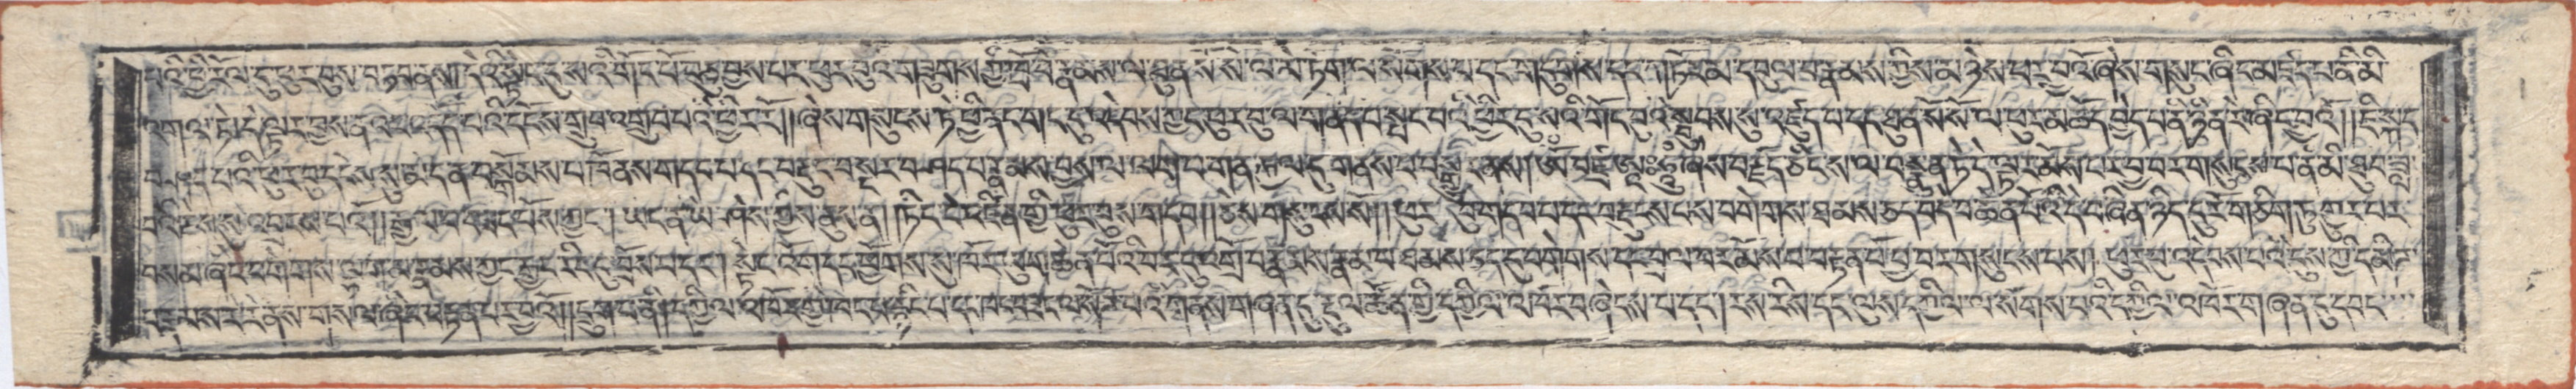པའི་ཕྱི་རོལ་དུ་ཕུར་བུས་བཏབ་ནས། དེའི་སྟེང་དུ་སའི་གོང་པོ་བཅུ་བྱས་པར་ཕུར་བུའི་གཟུགས་ཀྱི་ཁྲོ་བོ་རྣམས་ལ་ཐུན་སོ་སོ་ལ་མེ་ཏོག་ལ་སོགས་པ་དང་གདུགས་དང་གཏོར་མ་དབུལ་བ་རྣམས་ཀྱིས་མཉེས་པར་བྱའོ་ཞེས་གསུང་ཞིང་མཛད་པ་ནི་མི་
འགལ་ཏེ། དེ་ལྟར་བྱས་ནའང་འདོད་པའི་དངོས་གྲུབ་འགྲུབ་པའི་ཕྱིར་རོ། །ཞེས་གསུངས་ཏེ་ཕྱི་ནང་གང་དུ་འདེབས་ཀྱང་ཕུར་བུ་ལ་གནོད་པ་སྤང་བའི་ཕྱིར་རུ་སའི་གོན་བུའི་སྦུབས་སུ་འཛུད་པ་དང་ཐུན་སོ་སོ་ལ་ཕུར་མཆོད་བྱེད་པ་ནི་ཉིན་རེ་ཞིང་བྱའོ། །ཇི་སྐད་
བཤད་པའི་ཕུར་བུ་དངོས་སུ་མེད་ན་བསྒོམས་པ་ཁོ་ནས་གདབ་པ་དང་བརྡུང་བ་སྔར་བཤད་པ་རྣམས་བྱས་ལ་ལག་པ་གན་རྒྱལ་དུ་གནས་པ་བསྒྱུར་ནས། ཨོཾ་བཛྲ་ཨཱཿ ཧཱུཾ་ཞེས་བརྗོད་ཅིང་ས་ལ་བསྣུན་ཏེ་དེ་ལྟར་མོས་པར་བྱ་བར་གསུངས་པ་ནི་མི་ཐུབ་ཟླ་
བའི་རྗེས་སུ་འབྲངས་པའོ། །རྒྱལ་བ་བཟང་པོས་ཀྱང་། ཡང་ན་ཡེ་ཤེས་ཀྱིས་ནུས་ན། །ཏིང་ངེ་འཛིན་གྱི་ཕུར་བུས་གདབ། །ཅེས་གསུངས་སོ། །ཕུར་བུ་གདབ་པ་དང་བརྡུངས་པས་བགེགས་ཐམས་ཅད་བདེ་བ་ཆེན་པོའི་དེ་བཞིན་ཉིད་དུ་རོ་གཅིག་ཏུ་གྱུར་པར་
བསམ་ཞིང་བགེགས་ལྷག་མ་རྣམས་ཀྱང་རྒྱང་རིང་དུ་བྲོས་པ་དང་། སྟེང་འོག་དང་ཕྱོགས་སུ་ཁོར་ཡུག་ཆེན་པོའི་བར་དུ་འགྲོ་བ་རྣམས་རྣམ་པ་ཐམས་ཅད་དུ་བགེགས་དང་བྲལ་བར་མོས་པ་བརྟན་པོ་བྱ་བར་གསུངས་པས། ཕུར་བུ་འདེབས་པའི་དུས་ཀྱི་དམིགས་
པ་རྣམས་རེ་རེ་ནས་གསལ་ཞིང་བརྟན་པར་བྱའོ། །དྲུག་པ་ནི། དཀྱིལ་འཁོར་གྱི་ཁང་པ་རྙིང་པ་དང་ཁང་བཟང་ལ་སོགས་པའི་གནས་གཞན་དུ་རྡུལ་ཚོན་གྱི་དཀྱིལ་འཁོར་བཞེངས་པ་དང་། རས་རིས་དང་ལུས་དཀྱིལ་ལ་སོགས་པའི་དཀྱིལ་འཁོར་གཞན་དུ་དབང་